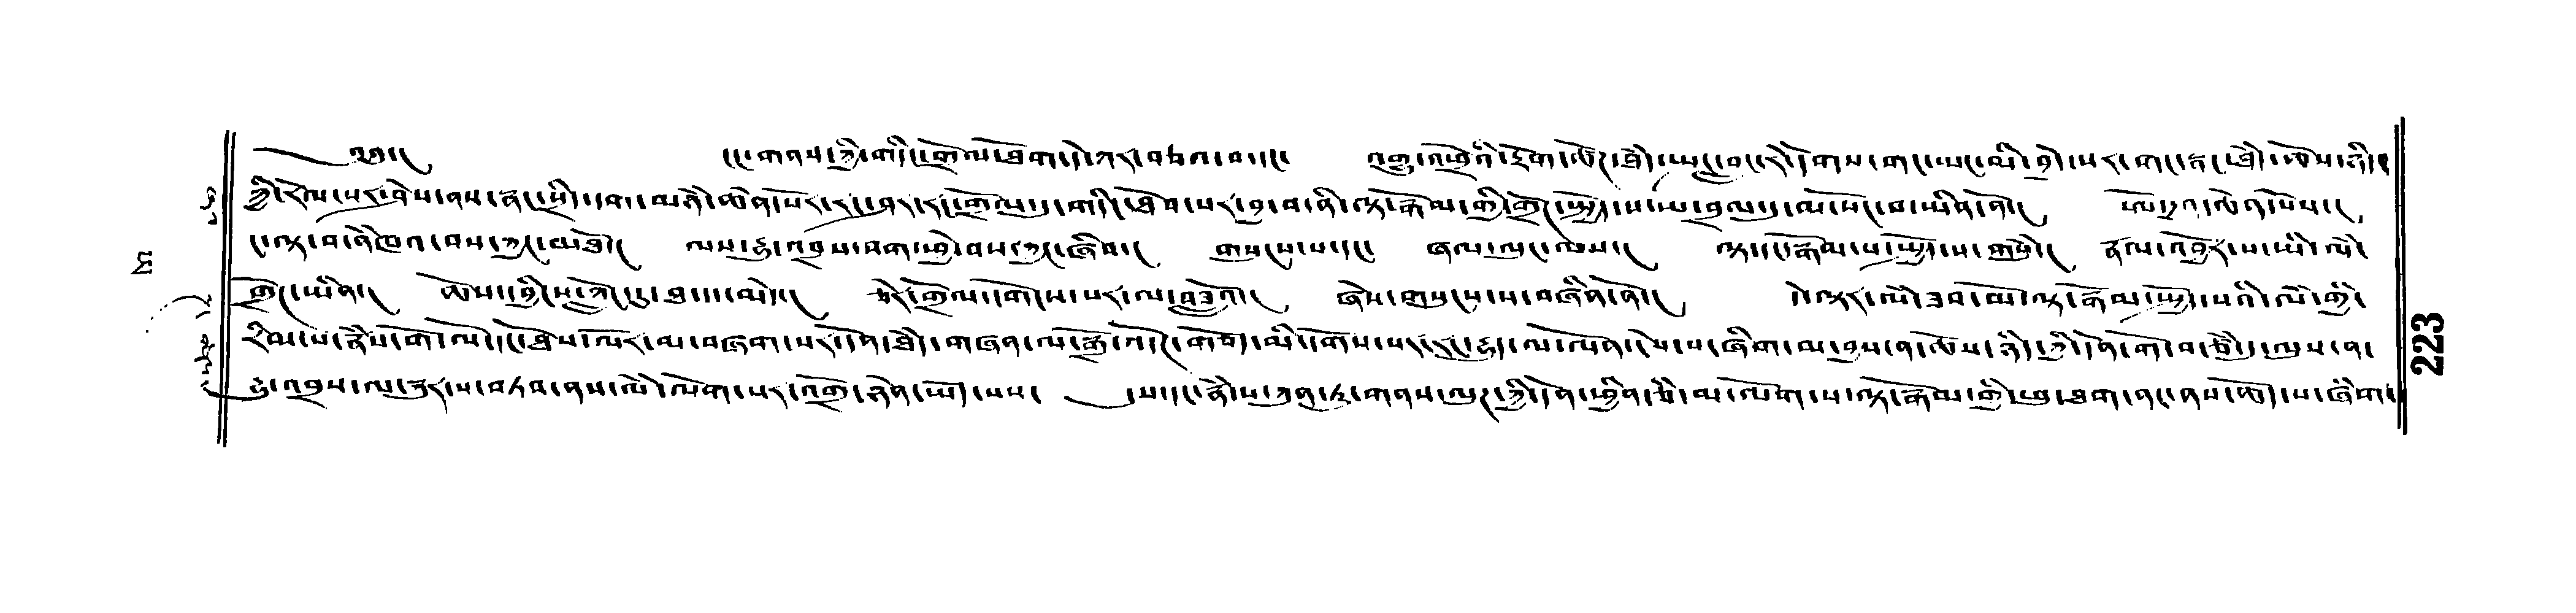ངང་གནས་ཀྱི་གདིང་གྲོལ་ཐོག་དེ་ཀར་བཅའ་བ་དང་། འགྱུ་འཕྲོའི་རྟོག་ཚོགས་ཐམས་ཅད་སྤང་བླང་རེ་དོགས་གང་ཡང་མི་བྱེད་པར་གང་སྣང་ཐམས་ཅད་ཆོས་ཉིད་
ཀྱི་རོལ་པར་ཤེས་ནས་སྣང་སྲིད་དག་མཉམ་ཆེན་པོར་རང་ཤར་རང་གྲོལ་དུ་གདིང་ཐོབ་པར་བྱ་བ་ནི་ལྟ་སྒོམ་གྱི་གྲོགས་སྤྱོད་པ་ཡ་བྲལ་དུ་མ་སོང་བ་ཡིན་ནོ། ཨོ་རྒྱན་ཆེན་པོས། 
ང་ལྟ་བ་ནམ་མཁའ་བས་ཀྱང་མཐོ། །ལས་རྒྱུ་འབྲས་བག་ཕྱེ་བས་ཀྱང་ཞིབ།གསུངས་པ་དང་། ཞལ་ལུང་ལས། ལྟ་དང་སྒོམ་པ་སྤྱོད་པ་གསུམ། །རྣལ་འབྱོར་པ་ཡི་ལམ་
གྲོགས་ཡིན། །ཆོས་དབྱིངས་ཀློང་དུ་ཐ་དད་མེད། །ཅེར་གྲོལ་དགོངས་པར་ལ་བཟླའོ། ཞེས་གསུངས་པ་བཞིན་ནོ། དེ་ལྟར་ལམ་ཟབ་མོ་ལྟ་སྒོམ་སྤྱོད་པའི་ལམ་གྱི་
རིམ་པ་རྣམས་གོ་ལོ་དང་ཐོས་ལོར་མ་བཞག་པར་དོན་ཐམས་ཅད་གཞན་ལ་སྒྲོ་འདོགས་གཅོད་མི་དགོས་པར་རང་རྒྱུད་ལ་ལོན་ངེས་པ་ཞིག་མ་བྱས་ན་ཆོས་ཉིད་ཀྱི་དོན་གོ་བ་ཙམ་དུ་ལུས་ན་
རྒྱུ་འབྲས་ལ་སྐུར་པ་བཏབ་ནས་ལམ་ལོག་པར་འགྲོ་ཉེན་ཡོད་པས། དུས་དང་རྣམ་པ་ཀུན་ཏུ་གནས་ལུགས་ཀྱི་དོན་ཕྱིན་ཅི་མ་ལོག་པ་ལྟ་སྒོམ་གྱི་ཕུ་ཐག་ནང་ནས་ཆོད་པ་ཞིག་